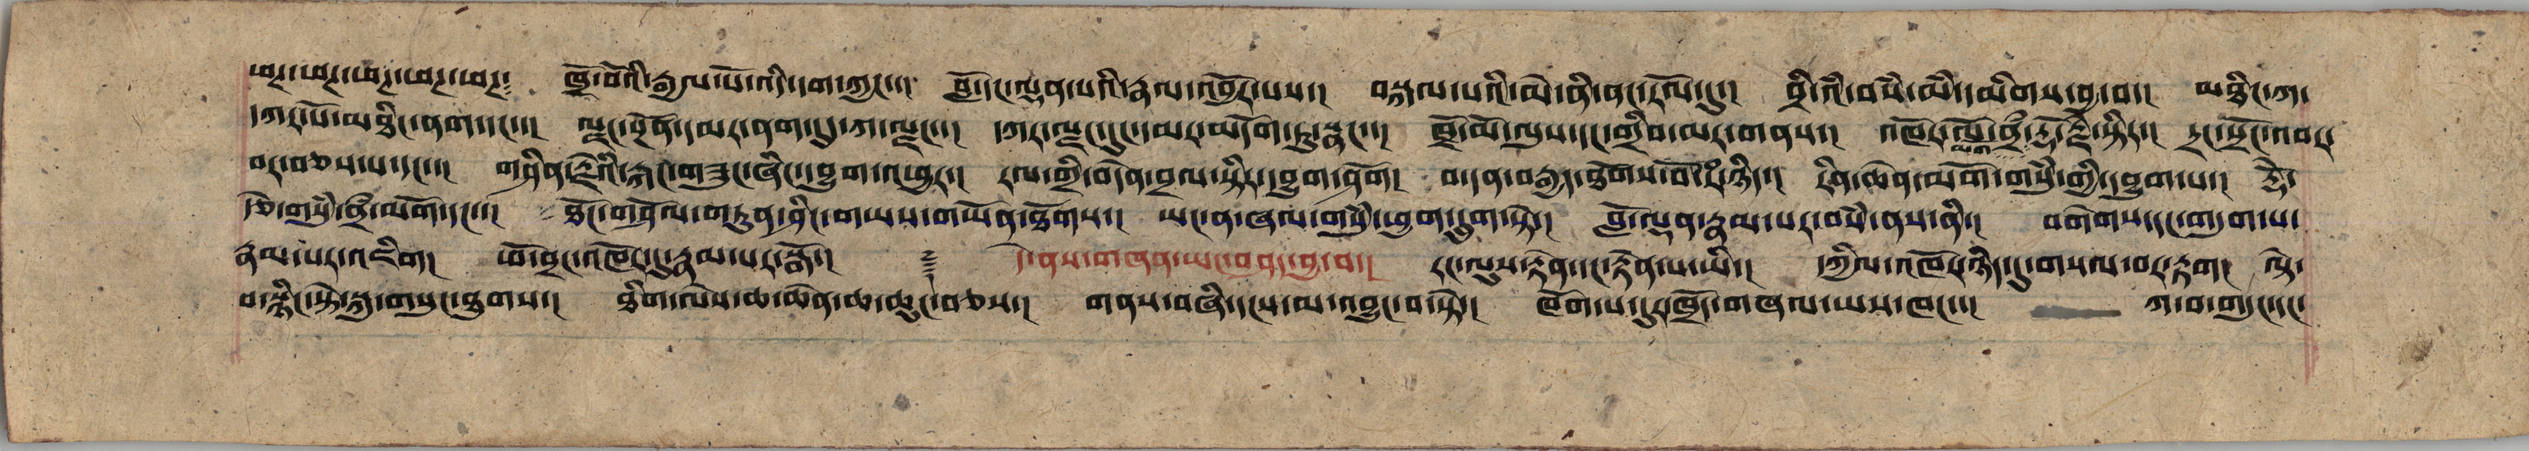ཕཊ་ཕཊ་ཕཊ་ཕཊ་ཕཊ༴ ཁྲོ་བོའི་རྒྱལ་པོ་འདི་དག་ཀྱང་་། བློ་དང་ལྡན་པའི་རྣལ་འབྱོར་པས་། བསྐལ་པའི་མེ་ནི་ནང་རོལ་དུ་། བྲི་འཾ་བསཾ་མཾ་དམིགས་བྱ་བ་། མཐིང་ཀ་
དཀར་པོ་མཐིང་ནག་དང་་། ལྗང་སྔོན་དམར་ནག་དུད་ཀ་ལྗང་་། དཀར་ལྗང་དུང་དམར་མདོག་ཏུ་སྣང་་། ཁྲོ་མོ་ལུས་དང་གྲིབ་མར་གནས་། འཁོར་ལོ་མགོ་ནྲི་རྡོ་རྗེ་སྟིར་། དྲང་སྲོང་འབར་
བར་བཅས་པདང་་། གཤིནརྗེའི་རྐང་གཟུང་ཞིང་དབྱུག་འཕྱར་། རལ་གྲི་བདེན་བྲལ་སྟིར་དབྱུག་ཤོག། བ་དན་བརྒྱད་ཐོགས་བོ་རཾ་ཉིད་། རིན་ཆེན་མགོ་གསུཾ་གྱི་དབྱུག་པ་། རྡོེ་
རྩེ་གསུཾ་ནྲྀ་མགོ་དང་་། ཐོང་གཤོལ་གཏུན་ཤིང་གཡས་གཡོན་ཐོགས་། ཡང་ན་ཞལ་གསུཾ་ཕྱག་དྲུག་སྟེ་། བློ་ལྡན་རྣམ་པར་བསཾ་ནས་ནི་། བགེགས་དང་གདུག་པ་
རྣམ་པར་འཇིག། ཕོ་བྲང་འཁོར་དུ་རྣམ་པར་སྒོ་། ࿑ དེ་ནས་གཞན་ཡང་བཤད་བྱ་བ་། རང་ལུས་རྟེན་དང་རྟེན་པ་ཡི་། དཀྱིལ་འཁོར་ཉིད་དུ་གསལ་བར་རྟག། ལྟེ་
ས་སྙིང་སྟེ་སྐུ་གསུང་ཐུགས་། ཐིག་ལེས་ཆ་ཆེན་ཆ་ཆུང་བཅས་། གནས་བཞི་དངས་མ་འབྱུང་བ་སྟེ་། ཁོག་པ་དུར་ཁྲོད་གཞལ་ཡས་ཁང་་། ཀ་བ་གདུང་དང་